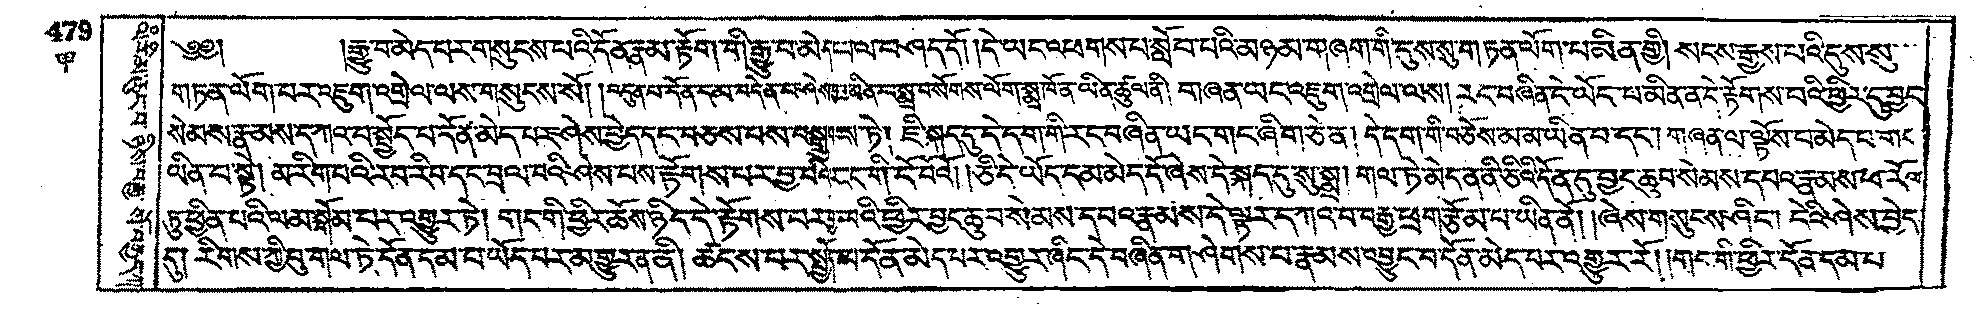༄༅། །རྒྱུ་བ་མེད་པར་གསུངས་པའི་དོན་རྣམ་རྟོག་གི་རྒྱུ་བ་མེད་པ་ལ་བཤད་དོ། །དེ་ཡང་འཕགས་པ་སློབ་པའི་མཉམ་གཞག་གི་དུས་སུ་གཏན་ལོག་པ་མིན་གྱི། སངས་རྒྱས་པའི་དུས་སུ་
གཏན་ལོག་པར་འཇུག་འགྲེལ་ལས་གསུངས་སོ། །བདུན་པ་དོན་དམ་བདེན་པ་ཤེས་བྱ་མིན་པ་སྨྲ་བ་སོགས་ལོག་སྨྲ་ཁོ་ན་ཡིན་ཚུལ་ནི།  གཞན་ཡང་འཇུག་འགྲེལ་ལས། རང་བཞིན་དེ་ཡོད་པ་མིན་ན་དེ་རྟོགས་པའི་ཕྱིར་དུ་བྱང་
སེམས་རྣམས་དཀའ་བ་སྤྱོད་པ་དོན་མེད་པར་ཤེས་བྱེད་དང་བཅས་པས་བསྒྲུབས་ཏེ། ཇི་སྐད་དུ་དེ་དག་གི་རང་བཞིན་ཡང་གང་ཞིག་ཅེ་ན། དེ་དག་གི་བཅོས་མ་མ་ཡིན་པ་དང་། གཞན་ལ་ལྟོས་པ་མེད་པ་གང་
ཡིན་པ་སྟེ། མ་རིག་པའི་རབ་རིབ་དང་བྲལ་བའི་ཤེས་པས་རྟོགས་པར་བྱ་བའི་རང་གི་ངོ་བོའོ། །ཅི་དེ་ཡོད་དམ་མེད་དོ་ཞེས་དེ་སྐད་དུ་སུ་སྨྲ། གལ་ཏེ་མེད་ན་ནི་ཅིའི་དོན་དུ་བྱང་ཆུབ་སེམས་དཔའ་རྣམས་ཕ་རོལ་
ཏུ་ཕྱིན་པའི་ལམ་སྒོམ་པར་འགྱུར་ཏེ། གང་གི་ཕྱིར་ཆོས་ཉིད་དེ་རྟོགས་པར་བྱ་བའི་ཕྱིར་བྱང་ཆུབ་སེམས་དཔའ་རྣམས་དེ་ལྟར་དཀའ་བ་བརྒྱ་ཕྲག་རྩོམ་པ་ཡིན་ནོ། །ཞེས་གསུངས་ཤིང་། དེའི་ཤེས་བྱེད་
དུ། རིགས་ཀྱི་བུ་གལ་ཏེ་དོན་དམ་པ་ཡོད་པར་མ་གྱུར་ན་ནི། ཚངས་པར་སྤྱོད་པ་དོན་མེད་པར་འགྱུར་ཞིང་དེ་བཞིན་གཤེགས་པ་རྣམས་འབྱུང་བ་དོན་མེད་པར་འགྱུར་རོ། །གང་གི་ཕྱིར་དོན་དམ་པ་